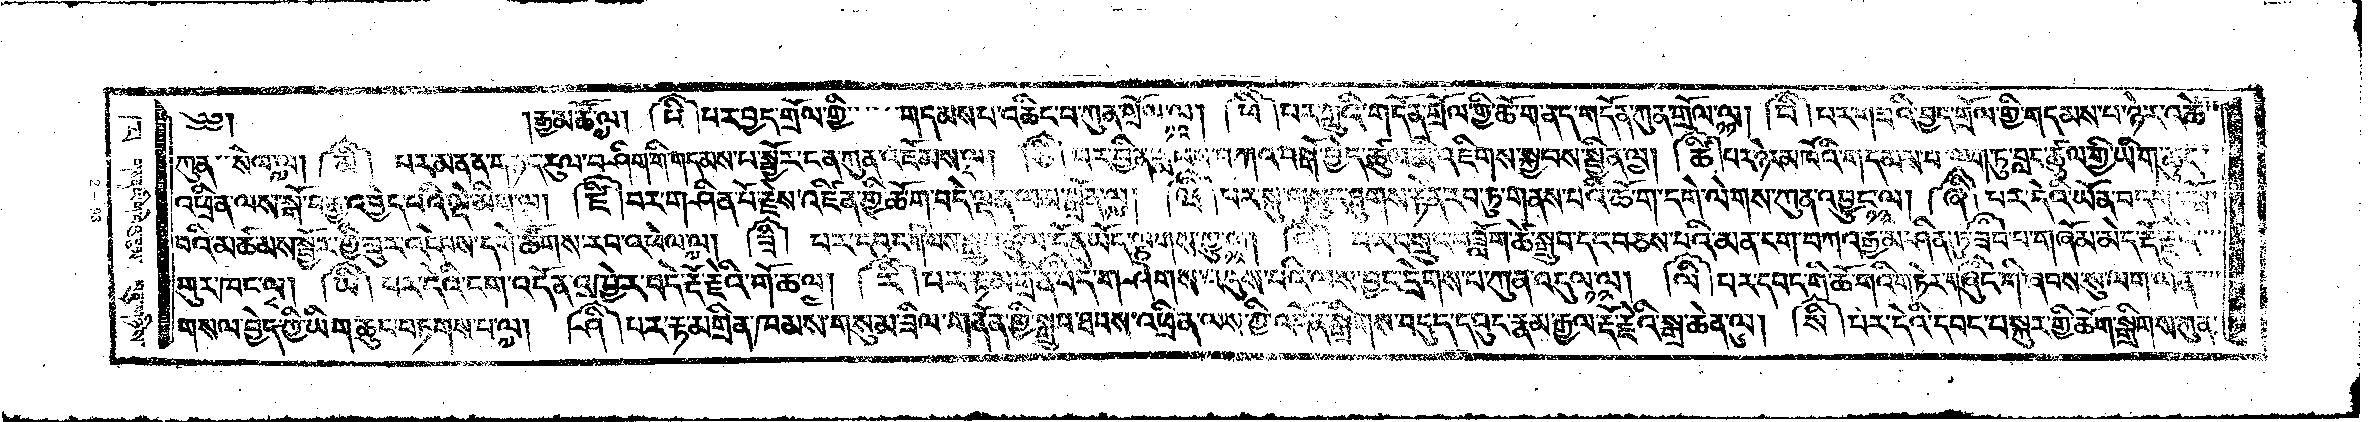༄༅། །རྒྱ་མཚོ་ལ། ༼པི༽ པར་བྱད་གྲོལ་གྱི་གདམས་པ་འཆིང་བ་ཀུན་གྲོལ་ལ། ༼ཕི༽ པར་ཀླུའི་གདོན་གྲོལ་གྱི་ཆོ་ག་ནད་གདོན་ཀུན་གྲོལ་ལ། ༼བི༽ པར་གཟའི་བྱད་གྲོལ་གྱི་གདམས་པ་ཉེར་འཚེ་
ཀུན་སེལ་ལ། ༼མི༽ པར་མནན་གཏད་རུལ་བཤིག་གི་གདམས་པ་སྦྱོར་ངན་ཀུན་འཇོམས་ལ། ༼ཅི༽ པར་བྱིན་རླབས་བཀའ་བསྒོ་བྱེད་ཚུལ་མི་འཇིགས་སྐྱབས་སྦྱིན་ལ། ༼ཚི༽ པར་ཉེར་མཁོའི་གདམས་པ་ལག་ཏུ་བླང་ཚུལ་གྱི་ཡིག་ཆུང་
འཕྲིན་ལས་སྒོ་བརྒྱ་འབྱེད་པའི་ལྡེ་མིག་ལ། ༼ཛི༽ བར་གཤིན་པོ་རྗེས་འཛིན་གྱི་ཆོག་བདེ་ལྡན་ལམ་སྒྲོན་ལ། ༼ཝི༽ པར་སྐུ་གསུང་ཐུགས་རྟེན་རབ་ཏུ་གནས་པའི་ཆོ་ག་དགེ་ལེགས་ཀུན་འབྱུང་ལ། ༼ཞི༽ པར་དེའི་ཡོན་བདག་བསྒོ་
བའི་མཚམས་སྦྱོར་གྱི་ཟུར་འདེབས་དགེ་ཚོགས་རབ་འཕེལ་ལ། ༼ཟི༽ པར་དབང་གི་ལས་སྒྲུབ་ཚུལ་དོན་ཡོད་ལྕགས་ཀྱུ་ལ། ༼འི༽ བར་བསྲུང་བཟློག་ཚེ་སྒྲུབ་དང་བཅས་པའི་མན་ངག་བཀའ་རྒྱ་མ་ཤིན་ཏུ་ཟབ་པ་གཞོམ་མེད་རྡོ་རྗེའི་
གུར་ཁང་ལ། ༼ཡི༽ པར་དེའི་ངག་འདོན་འཁྱེར་བདེ་རྡོ་རྗེའི་གོ་ཆ་ལ། ༼རི༽ པར་རྟ་མགྲིན་བདེ་གཤེགས་འདུལ་པའི་ལས་བྱང་དྲེགས་པ་ཀུན་འདུལ་ལ། ༼ལི༽ པར་དབང་གི་ཆོ་གའི་གཏེར་གཞུང་གི་ཞབས་སུ་ལག་ལེན་
གསལ་བྱེད་ཀྱི་ཡིག་ཆུང་བཏགས་པ་ལ། ༼ཤི༽ པར་རྟ་མགྲིན་ཁམས་གསུམ་ཟིལ་གནོན་གྱི་སྒྲུབ་ཐབས་འཕྲིན་ལས་ཀྱི་འགོན་སྒྲིགས་བདུད་དཔུང་རྣམ་རྒྱལ་རྡོ་རྗེའི་སྒྲ་ཆེན་ལ། ༼སི༽ པར་དེའི་དབང་བསྐུར་གྱི་ཆོག་སྒྲིགས་ཀུན་